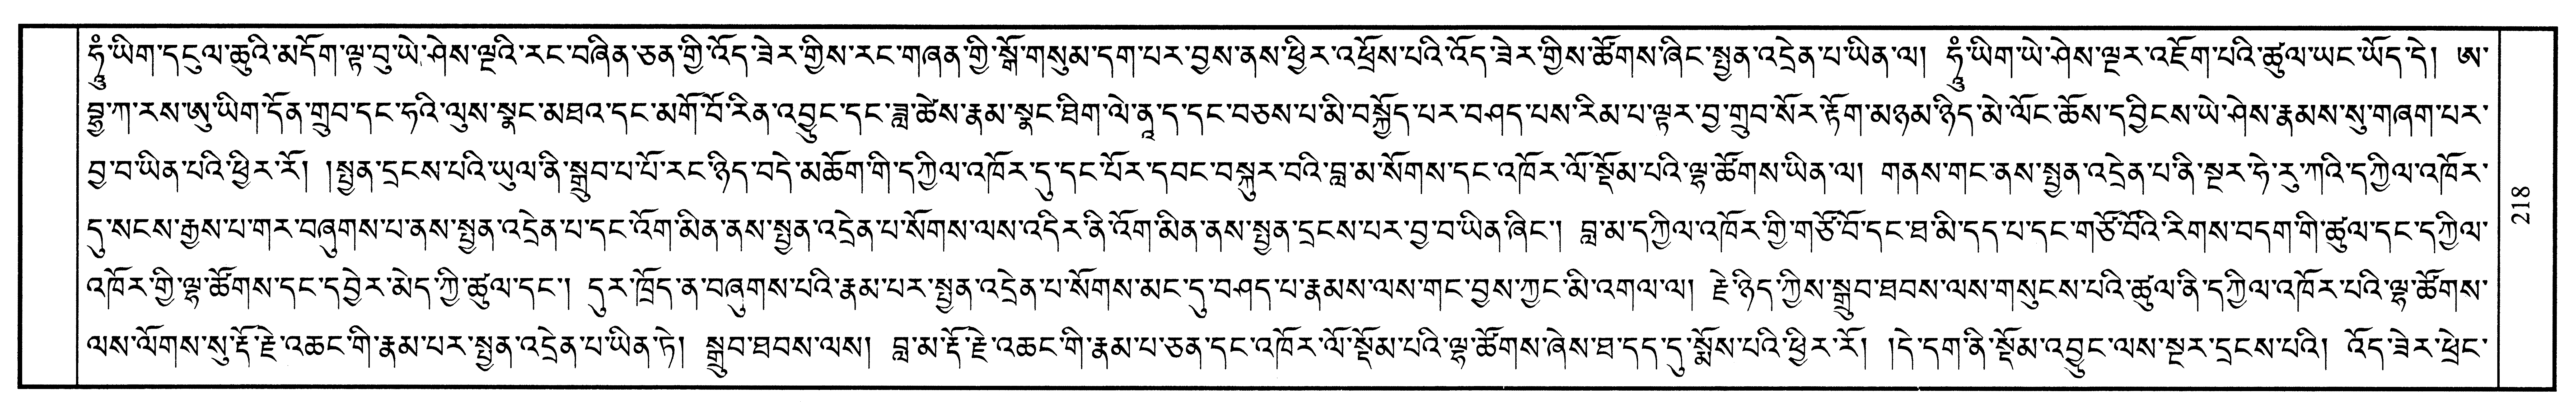ཧཱུཾ་ཡིག་དངུལ་ཆུའི་མདོག་ལྟ་བུ་ཡེ་ཤེས་ལྔའི་རང་བཞིན་ཅན་གྱི་འོད་ཟེར་གྱིས་རང་གཞན་གྱི་སྒོ་གསུམ་དག་པར་བྱས་ནས་ཕྱིར་འཕྲོས་པའི་འོད་ཟེར་གྱིས་ཚོགས་ཞིང་སྤྱན་འདྲེན་པ་ཡིན་ལ། ཧཱུཾ་ཡིག་ཡེ་ཤེས་ལྔར་འཇོག་པའི་ཚུལ་ཡང་ཡོད་དེ། ཨ་
བྷྱ་ཀ་རས་ཨུ་ཡིག་དོན་གྲུབ་དང་ཧའི་ལུས་སྣང་མཐའ་དང་མགོ་བོ་རིན་འབྱུང་དང་ཟླ་ཚེས་རྣམ་སྣང་ཐིག་ལེ་ནཱ་ད་དང་བཅས་པ་མི་བསྐྱོད་པར་བཤད་པས་རིམ་པ་ལྟར་བྱ་གྲུབ་སོར་རྟོག་མཉམ་ཉིད་མེ་ལོང་ཆོས་དབྱིངས་ཡེ་ཤེས་རྣམས་སུ་གཞག་པར་
བྱ་བ་ཡིན་པའི་ཕྱིར་རོ། །སྤྱན་དྲངས་པའི་ཡུལ་ནི་སྒྲུབ་པ་པོ་རང་ཉིད་བདེ་མཆོག་གི་དཀྱིལ་འཁོར་དུ་དང་པོར་དབང་བསྐུར་བའི་བླ་མ་སོགས་དང་འཁོར་ལོ་སྡོམ་པའི་ལྷ་ཚོགས་ཡིན་ལ། གནས་གང་ནས་སྤྱན་འདྲེན་པ་ནི་སྔར་ཧེ་རུ་ཀའི་དཀྱིལ་འཁོར་
དུ་སངས་རྒྱས་པ་གར་བཞུགས་པ་ནས་སྤྱན་འདྲེན་པ་དང་འོག་མིན་ནས་སྤྱན་འདྲེན་པ་སོགས་ལས་འདིར་ནི་འོག་མིན་ནས་སྤྱན་དྲངས་པར་བྱ་བ་ཡིན་ཞིང་། བླ་མ་དཀྱིལ་འཁོར་གྱི་གཙོ་བོ་དང་ཐ་མི་དད་པ་དང་གཙོ་བོའི་རིགས་བདག་གི་ཚུལ་དང་དཀྱིལ་
འཁོར་གྱི་ལྷ་ཚོགས་དང་དབྱེར་མེད་ཀྱི་ཚུལ་དང་། དུར་ཁྲོད་ན་བཞུགས་པའི་རྣམ་པར་སྤྱན་འདྲེན་པ་སོགས་མང་དུ་བཤད་པ་རྣམས་ལས་གང་བྱས་ཀྱང་མི་འགལ་ལ། རྗེ་ཉིད་ཀྱིས་སྒྲུབ་ཐབས་ལས་གསུངས་པའི་ཚུལ་ནི་དཀྱིལ་འཁོར་པའི་ལྷ་ཚོགས་
ལས་ལོགས་སུ་རྡོ་རྗེ་འཆང་གི་རྣམ་པར་སྤྱན་འདྲེན་པ་ཡིན་ཏེ། སྒྲུབ་ཐབས་ལས། བླ་མ་རྡོ་རྗེ་འཆང་གི་རྣམ་པ་ཅན་དང་འཁོར་ལོ་སྡོམ་པའི་ལྷ་ཚོགས་ཞེས་ཐ་དད་དུ་སྨོས་པའི་ཕྱིར་རོ། །དེ་དག་ནི་སྡོམ་འབྱུང་ལས་སྔར་དྲངས་པའི། འོད་ཟེར་ཕྲེང་